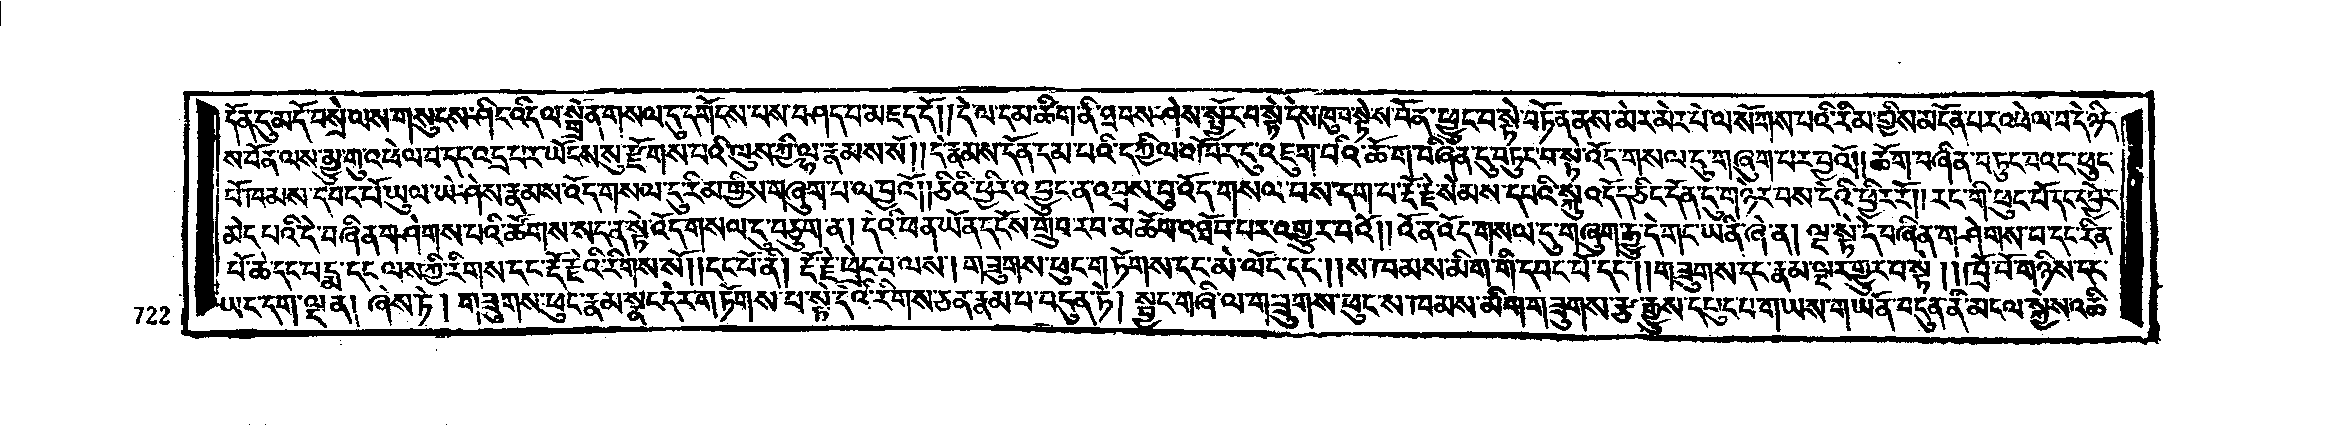དོན་དུ་མདོ་བསྲེ་ལས་གསུངས་ཤིང་འདི་ལ་སྒྲོན་གསལ་དུ་དགོངས་པས་བཤད་པ་མཛད་དོ། །དེ་ལ་དམ་ཚིག་ནི་ཐབས་ཤེས་སྦྱོར་བ་སྟེ་དེས་ཁུ་བ་སྟེ་ས་བོན་ཕྱུང་བ་སྟེ་བཏོན་ནས་མེར་མེར་པོ་ལ་སོགས་པའི་རིམ་གྱིས་མངོན་པར་འཕེལ་བ་དེ་ཉིད་
ས་བོན་ལས་མྱུ་གུ་འཕེལ་བ་དང་འདྲ་པར་ཡོངས་སུ་རྫོགས་པའི་ལུས་ཀྱི་ལྷ་རྣམས་སོ། །དེ་རྣམས་དོན་དམ་པའི་དཀྱིལ་འཁོར་དུ་འཇུག་པའི་ཆོ་ག་བཞིན་དུ་བཏུང་བ་སྟེ་འོད་གསལ་དུ་གཞུག་པར་བྱའོ། །ཆོ་ག་བཞིན་བཏུང་བའང་ཕུང་
པོ་ཁམས་དབང་པོ་ཡུལ་ཡེ་ཤེས་རྣམས་འོད་གསལ་དུ་རིམ་གྱིས་གཞུག་པ་ལ་བྱའོ། །ཅིའི་ཕྱིར་འབྱུང་ན་འབྲས་བུ་འོད་གསལ་བས་དག་པ་རྡོ་རྗེ་སེམས་དཔའི་སྐུ་འདོད་ཅིང་དོན་དུ་གཉེར་བས་དེའི་ཕྱིར་རོ། །རང་གི་ཕུང་པོ་དང་དབྱེར་
མེད་པའི་དེ་བཞིན་གཤེགས་པའི་ཚོགས་སད་ན་སྟེ་འོད་གསལ་དུ་བཅུག་ན། དེའི་ཕན་ཡོན་དངོས་གྲུབ་རབ་མཆོག་འཐོབ་པར་འགྱུར་བའོ། །འོ་ན་འོད་གསལ་དུ་གཞུག་རྒྱུ་དེ་གང་ཡིན་ཞེ་ན། ལྔ་སྟེ་དེ་བཞིན་གཤེགས་པ་དང་རིན་
པོ་ཆེ་དང་པདམ་དང་ལས་ཀྱི་རིགས་དང་རྡོ་རྗེའི་རིགས་སོ། །དང་པོ་ནི། རྡོ་རྗེ་ཕྲེང་བ་ལས། གཟུགས་ཕུང་གཏོགས་དང་མེ་ལོང་དང་། །ས་ཁམས་མིག་གི་དབང་པོ་དང་། །གཟུགས་དང་རྣམ་ལྔར་གྱུར་པ་སྟེ། །ཁྲོ་བོ་གཉིས་དང་
ཡང་དག་ལྡན། ཞེས་ཏེ། གཟུགས་ཕུང་རྣམ་སྣང་དེར་གཏོགས་པ་སྟེ་དེའི་རིགས་ཅན་རྣམ་པ་བདུན་ཏེ། སྦྱང་གཞི་ལ་གཟུགས་ཕུང་ས་ཁམས་མིག་གཟུགས་རྩ་རྒྱུས་དཔུང་པ་གཡས་གཡོན་བདུན་ནི་མངལ་སྐྱེས་འཆི་